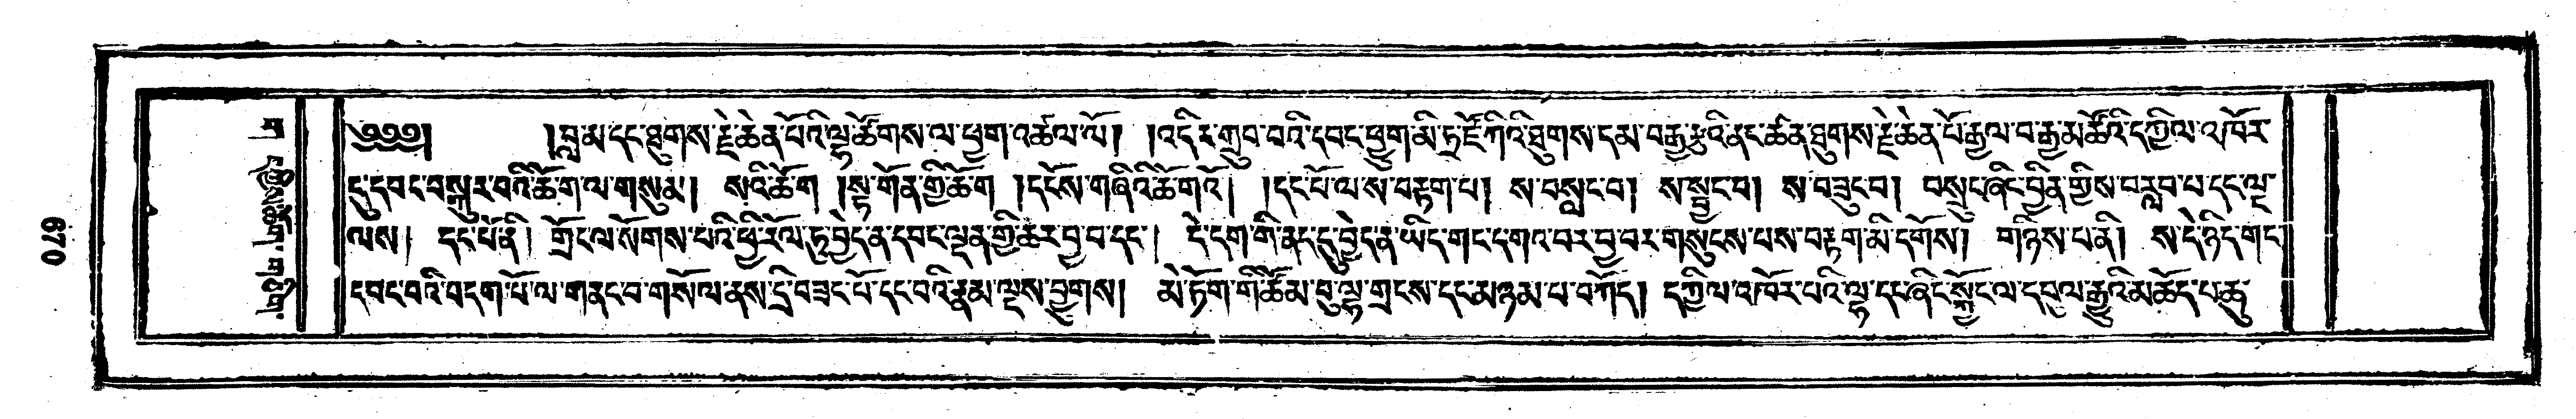༄༅༅། །བླ་མ་དང་ཐུགས་རྗེ་ཆེན་པོའི་ལྷ་ཚོགས་ལ་ཕྱག་འཚལ་ལོ། །འདིར་གྲུབ་བའི་དབང་ཕྱུག་མི་ཏྲ་ཛོ་ཀིའི་ཐུགས་དམ་བརྒྱ་རྩའི་ནང་ཚན་ཐུགས་རྗེ་ཆེན་པོ་རྒྱལ་བ་རྒྱ་མཚོའི་དཀྱིལ་འཁོར་
དུ་དབང་བསྐུར་བའི་ཆོ་ག་ལ་གསུམ། སའི་ཆོ་ག །སྟ་གོན་གྱི་ཆོ་ག །དངོས་གཞིའི་ཆོ་གའོ། །དང་པོ་ལས་བརྟག་པ། ས་བསླང་བ། ས་སྦྱང་བ། ས་བཟུང་བ། བསྲུང་ཞིང་བྱིན་གྱིས་བརླབ་པ་དང་ལྔ་
ལས། དང་པོ་ནི། གྲོང་ལ་སོགས་པའི་ཕྱི་རོལ་ཏུ་བྱེད་ན་དབང་ལྡན་གྱི་ཆར་བྱ་བ་དང་། དེ་དག་གི་ནང་དུ་བྱེད་ན་ཡིད་གང་དགའ་བར་བྱ་བར་གསུངས་པས་བརྟག་མི་དགོས། གཉིས་པ་ནི། ས་དེ་ཉིད་གང་
དབང་བའི་བདག་པོ་ལ་གནང་བ་གསོལ་ནས་དྲི་བཟང་པོ་དང་བའི་རྣམ་ལྔས་བྱུགས། མེ་ཏོག་གི་ཚོམ་བུ་ལྷ་གྲངས་དང་མཉམ་པ་བཀོད། དཀྱིལ་འཁོར་པའི་ལྷ་དང་ཞིང་སྐྱོང་ལ་དབུལ་རྒྱུའི་མཆོད་པ་ཆུ་